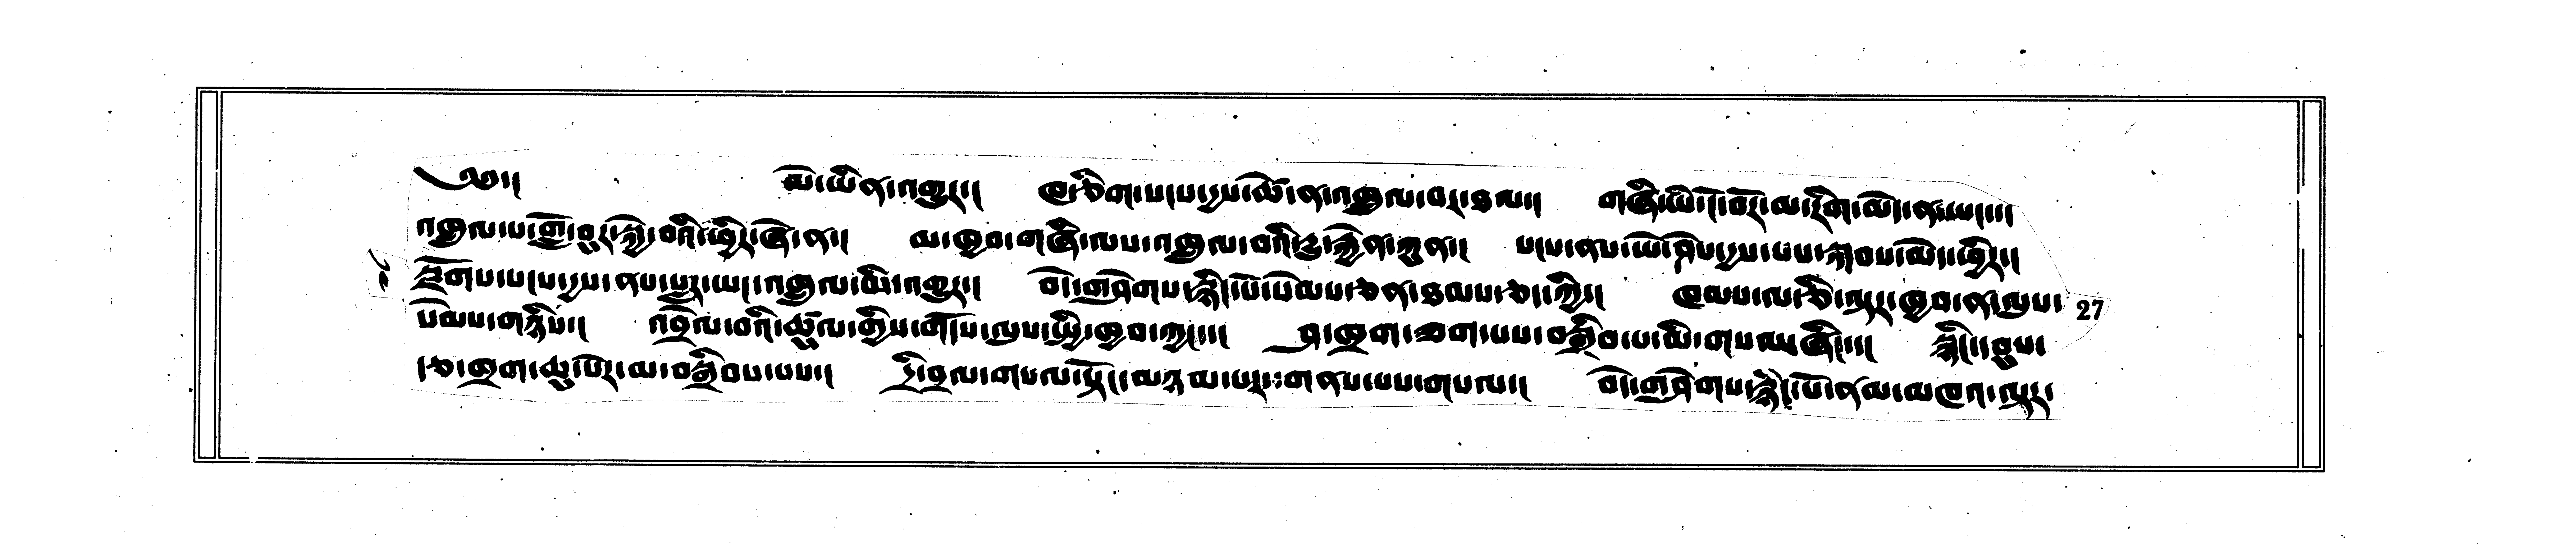མེ་ཡིན་འགྱུར། །ཁ་ཅིག་སངས་རྒྱས་ཚེ་ན་འཁྲུལ་པར་ཐལ། །གཞི་ཡི་ངོ་བོར་མ་རིག་མེད་ན་ཡང་། །
འཁྲུལ་པ་གློ་བུར་སྐྱེ་བའི་ཕྱིར་ཞེ་ན། །མ་ཁྱབ་གཞི་ལས་འཁྲུལ་པའི་རྒྱུ་རྐྱེན་ཀུན། །སངས་ནས་ཡེ་ཤེས་རྒྱས་པའི་སྐབས་མེད་ཕྱིར། །
རྫོགས་སངས་རྒྱས་ནས་སླར་ཡང་འཁྲུལ་མི་འགྱུར། །བདེ་གཤེགས་སྙིང་པོ་སེམས་ཅན་ཐམས་ཅད་ཀྱི། །ཁམས་ལ་ཅི་ལྟར་ཁྱབ་ན་ལུས་
སེམས་གཉིས། །འབྲེལ་བའི་ཚུལ་གྱིས་གདོས་ལུས་སྤྱི་ཁྱབ་ཀྱང་། །ཤ་ཁྲག་ཟག་པས་བསྒྲིབ་པ་མི་གསལ་ཞིང་། །སྙིང་དབུས་
རྩ་ཁྲག་ཆུ་སེར་མ་བསྒྲིབས་པས། །དྲི་བྲལ་གསལ་སྟོང་མཉམ་པར་གནས་པས་གསལ། །བདེར་གཤེགས་སྙིང་པོ་ནམ་མཁའ་ལྟར་